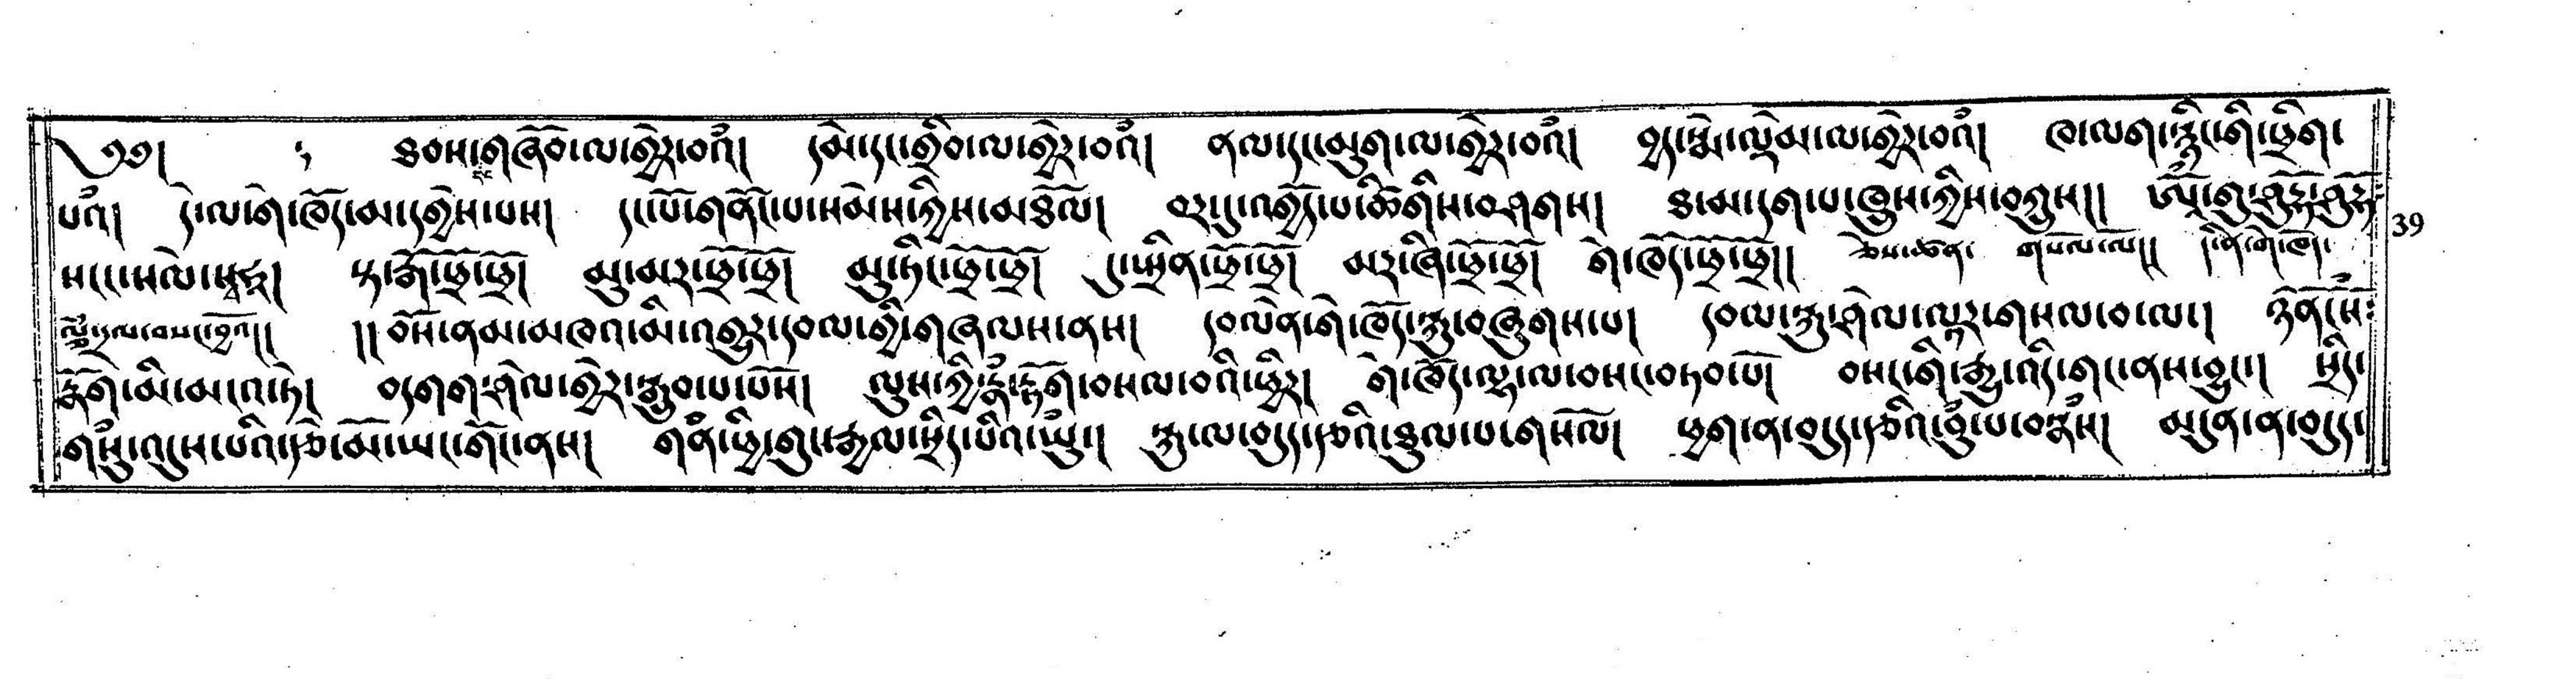ཐབས་དང་གཞོབ་ལ་གྱེར་བའམ། དམེ་དང་གྲིབ་ལ་གྱེར་བའམ། ནལ་དང་མུག་ལ་གྱེར་བའམ། བྱད་སྨེ་ལྡེམ་ལ་གྱེར་བའམ། ཁ་ལག་སྙིང་གི་ཕྲིག་
པའམ། དེ་ལ་གེ་ཁོད་མ་དགྱེས་པས། དང་པོ་གནོང་པ་སེམས་ཀྱིས་མཐོལ། བར་དུ་འགྱོད་པ་ཚིག་གིས་བཤགས། ཐ་མ་དག་པ་ཁྲུས་ཀྱིས་བཀྲུས།། ཨཱོཾ་གུ་ཤུདྷོ་ཤུདྷོ་
སང་སང་སལེ་སྭཱཧཱ། སྟ་རྒོ་ཕྲོ་ཕྲོ། མུ་མར་ཕྲོ་ཕྲོ། མུ་ཏིང་ཕྲོ་ཕྲོ། དུ་སྤྲིན་ཕྲོ་ཕྲོ། མར་ཞི་ཕྲོ་ཕྲོ། གེ་ཁོད་ཕྲོ་ཕྲོ།། ཅེས་ཚན། གསོལ་ལོ།། ད་ནི་གེ་ཁོད་
ལྕམ་དྲལ་བསང་བྱའོ།། །།བསྭོ་ནམ་མཁའ་མི་འགྱུར་དབལ་གྱི་གཞལ་ལས་ནས། དབལ་ཆེན་གེ་ཁོད་སྐུ་བཞུགས་པ། དབལ་སྐུ་ཤེལ་ལྟར་གསལ་བ་ལ། ཉོན་མོངས་རྣམ་
རྟོག་མི་མངའ་ཏེ། བདག་ཅག་ཤེལ་གྱེར་སྒྲུབ་པ་པོས། ལུས་ཀྱི་རྣམ་རྟོག་བསལ་བའི་ཕྱིར། གེ་ཁོད་ལྷ་ལ་བསང་བཏབ་པོ། བསང་གི་རྒྱུ་འདི་གང་ནས་བྱུང་། སྲིད་
གསུམ་འདུས་པའི་རྩེ་མོ་ཡང་གོང་ནས། གནམ་ཕྱི་གུང་རྒྱལ་སྲིད་པའི་ཡུམ། སྐུ་ལ་བདུད་རྩའི་ཐུལ་པ་གསོལ། ཕྱག་ན་བདུད་རྩིའི་བུམ་པ་བསྣམས། མདུན་ན་བདུད་